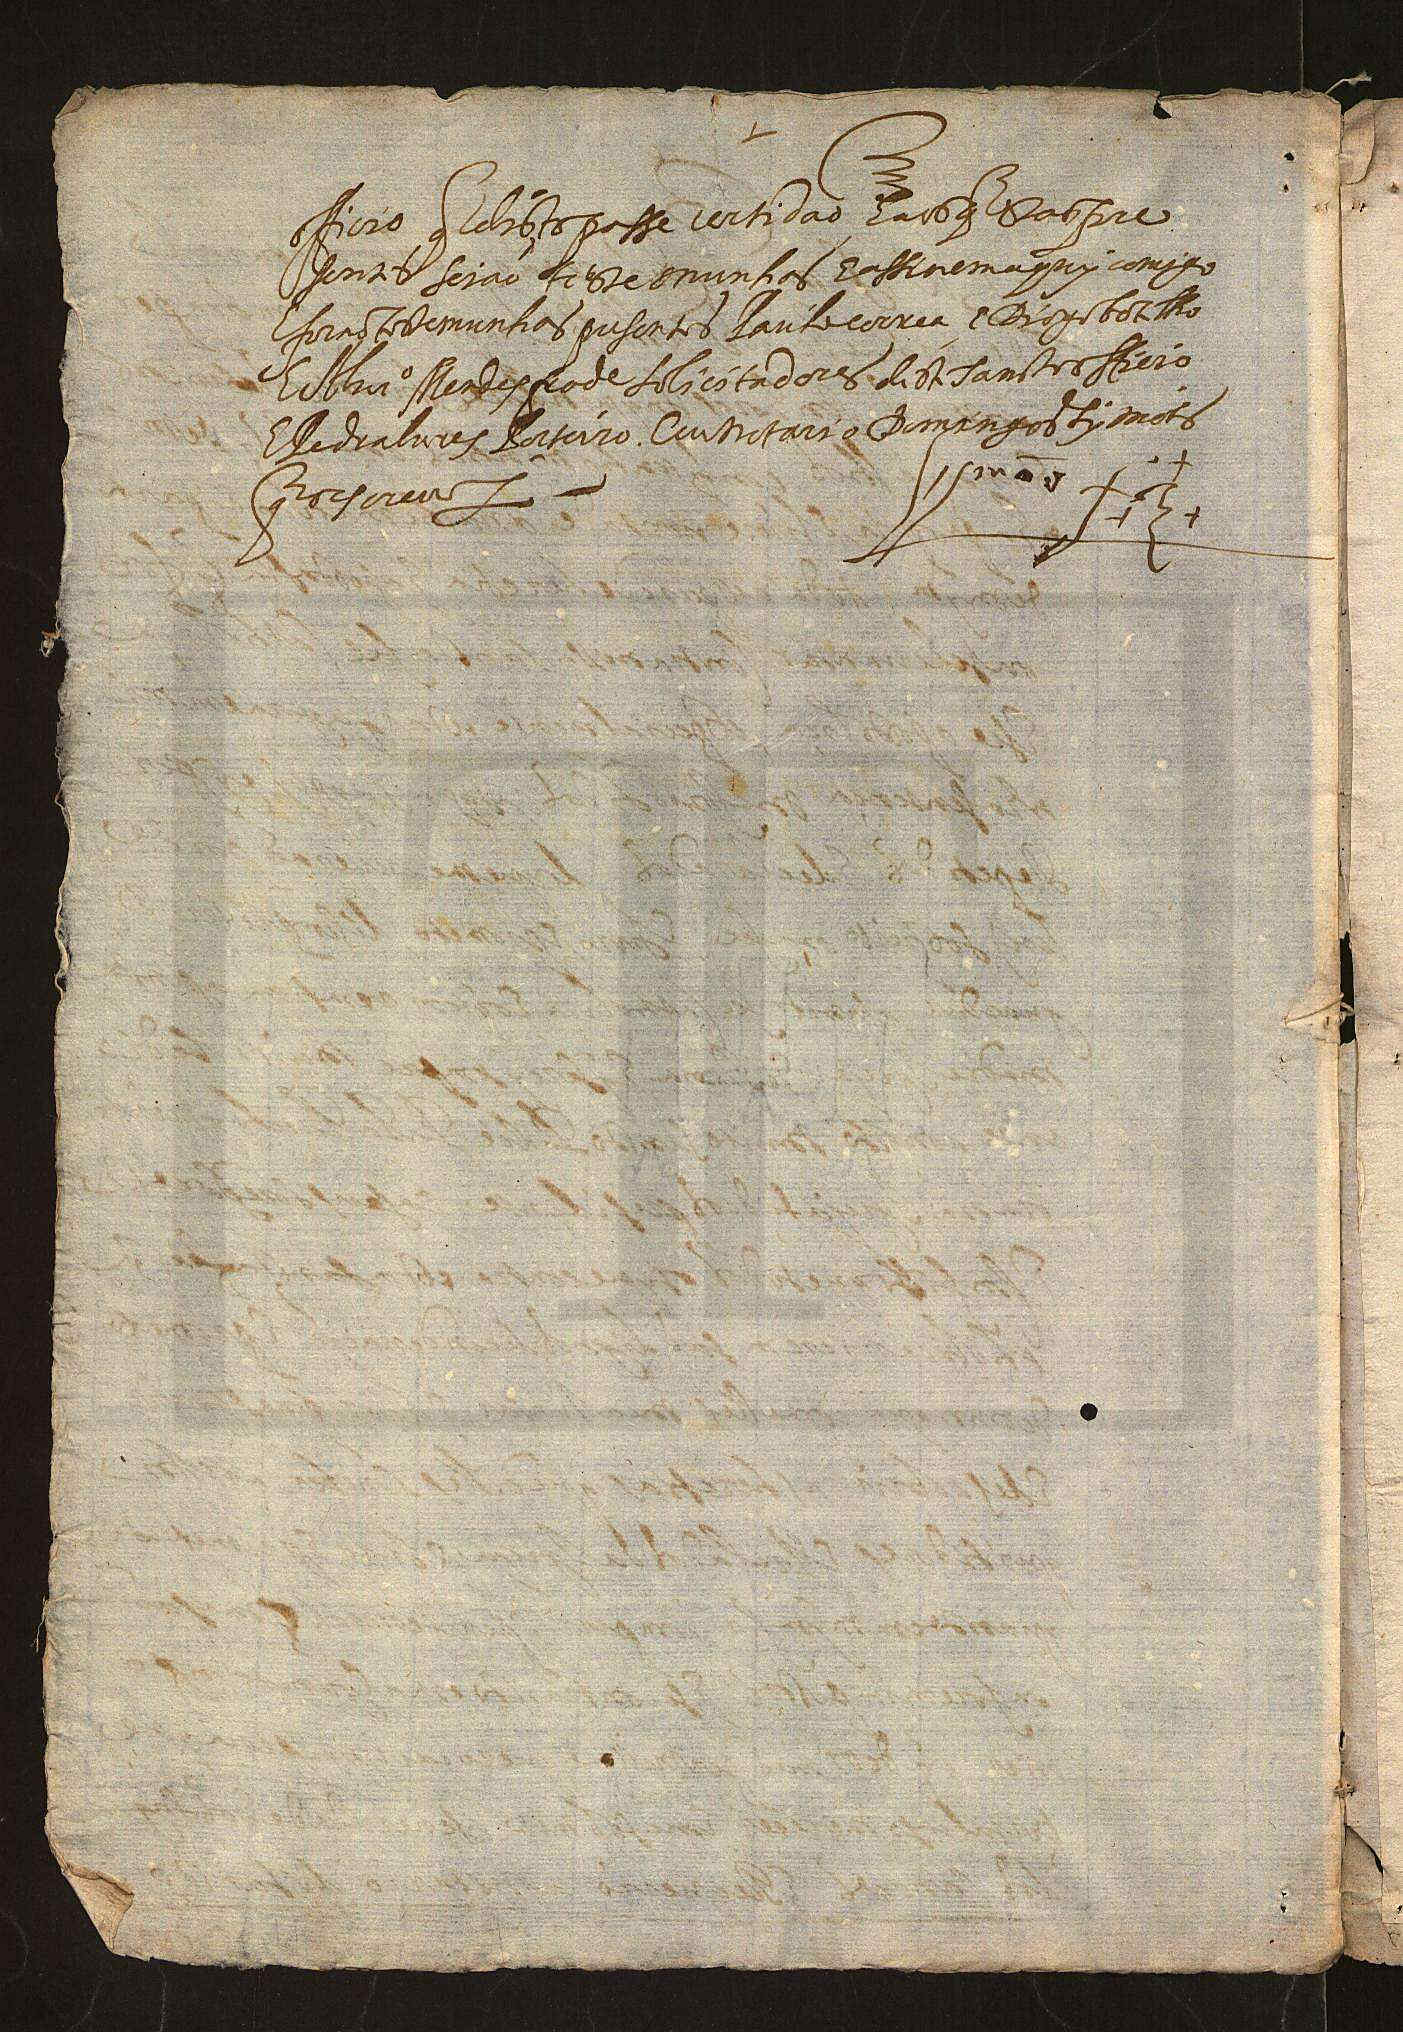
officio q̄ disto passe certidão, E aos q̄ estaõ pre
sentes seiaõ testemunhas E assinem aquy comigo
E foraõ testemunhas presentes Paulo correa, e Diogo botelho
E Aluro Mendes frade solicitadores desto sancto officio
E Pedralures Porteiro. E eu notario Domingos symois
q̄ o escrevy
Sijmão frz
